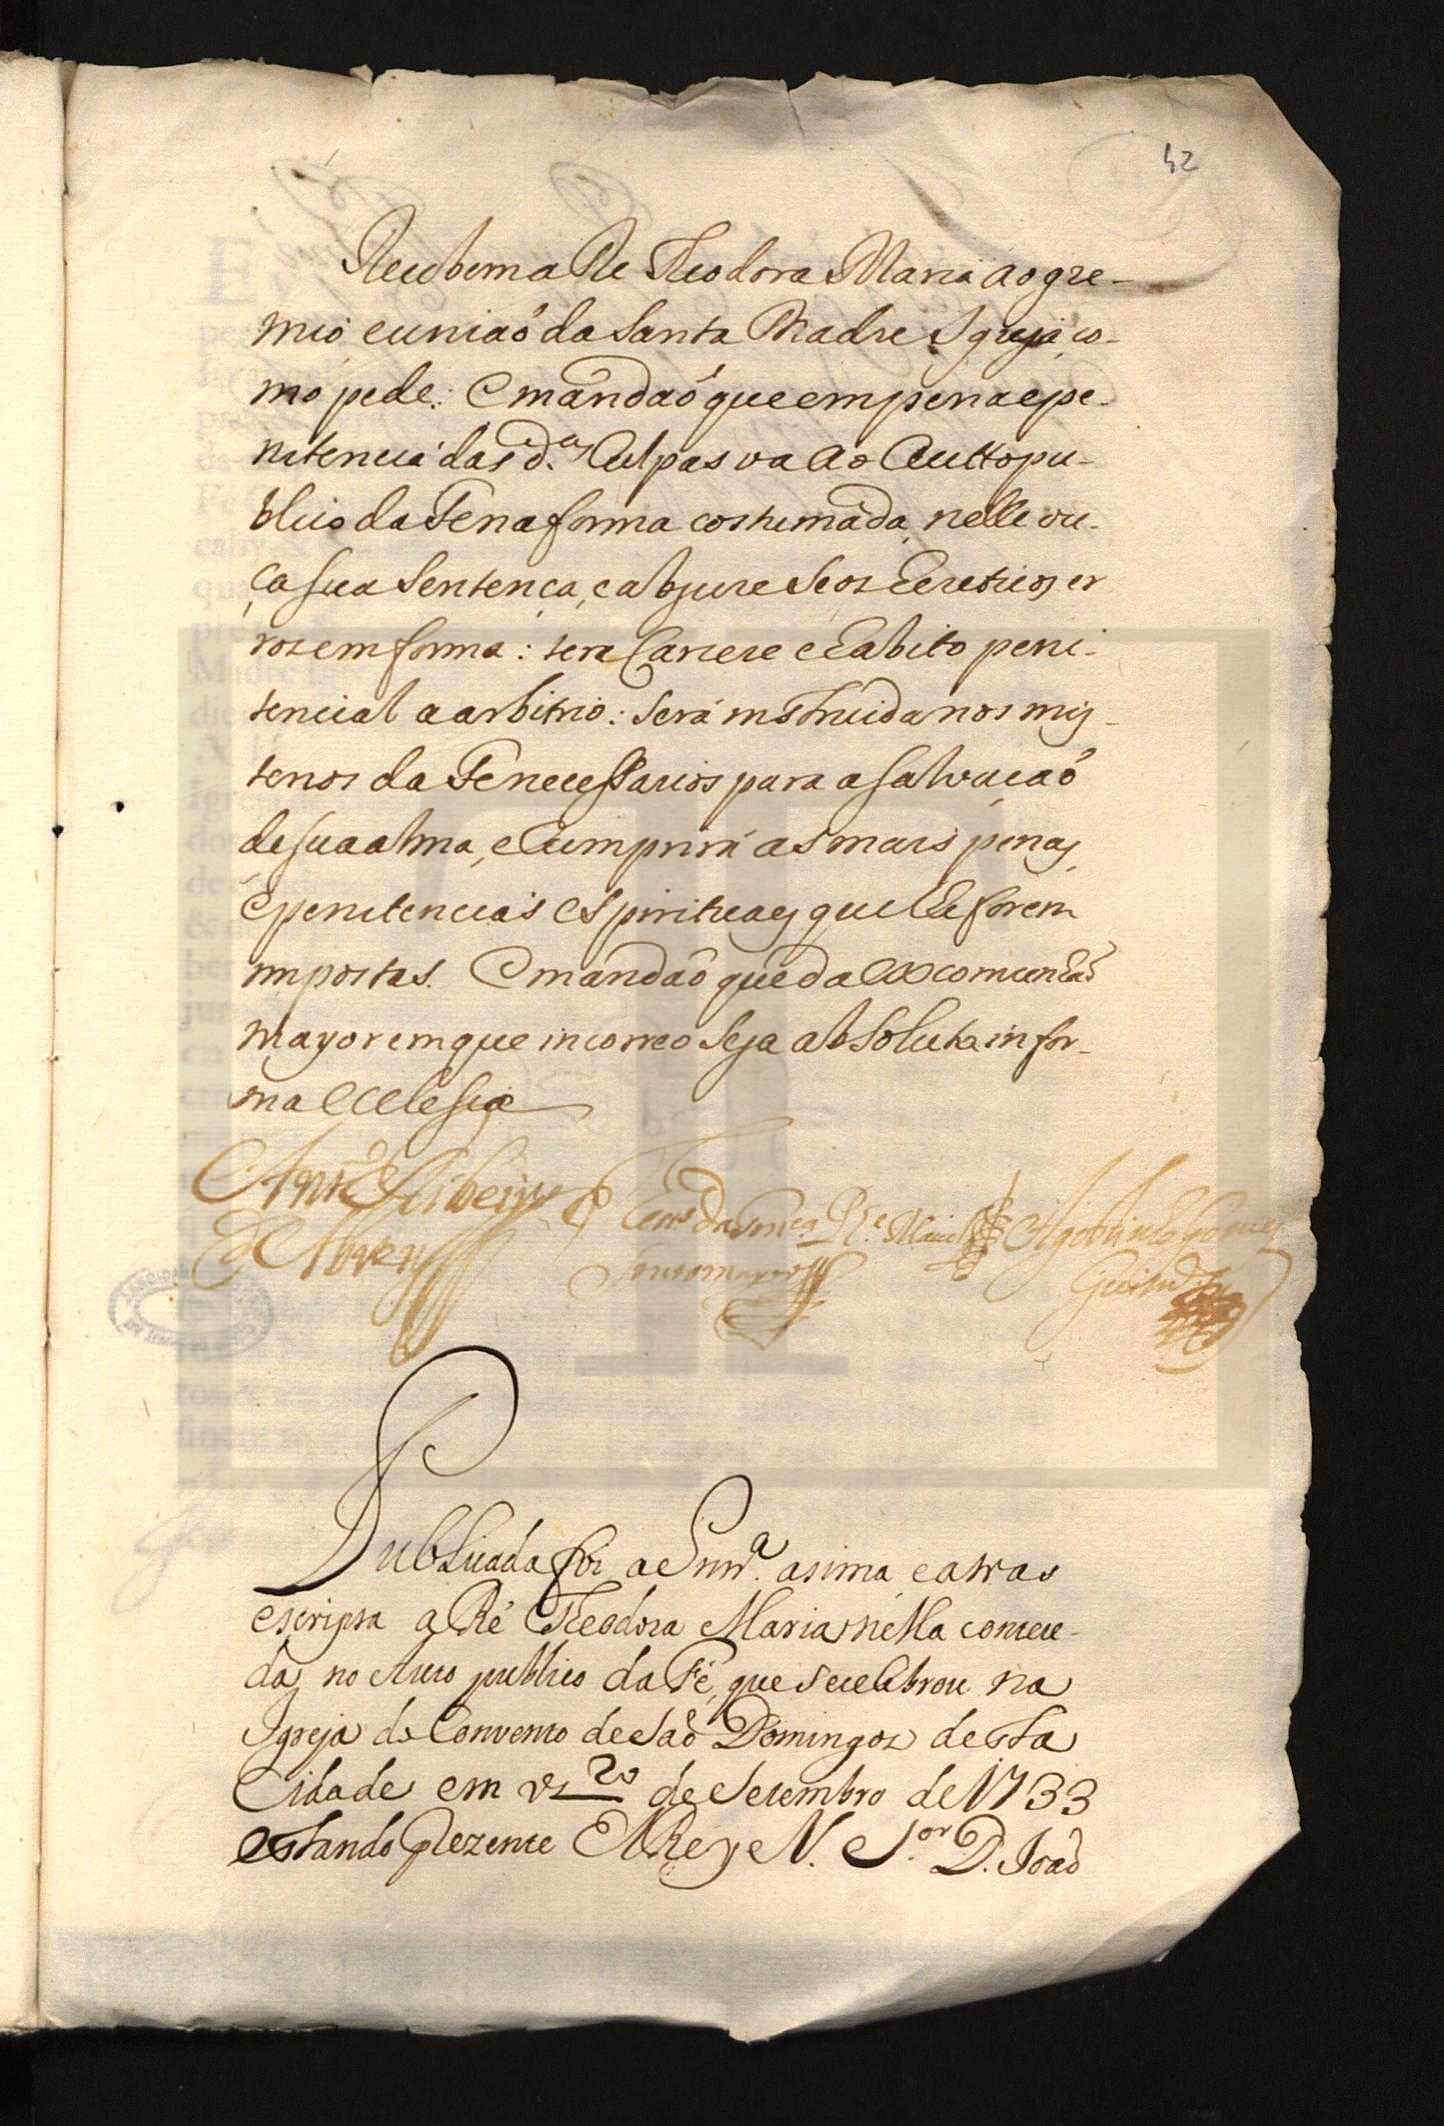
Recebem a Re Theodora Maria ao gre
mio, e uniaõ da Santa Madre Igreja, co
mo pede: E mandaõ que em pena e pe
nitencia das d.as Culpas va ao Autto pu
blico da Fe na forma costumada, nelle ou
ça sua Sentença, e abjure seos hereticos er
roz em forma: tera Carcere e habito peni
tencial a arbitrio: será instruida nos mis
terios da Fe necessarios para a salvaçaõ
de sua alma, e Cumprirá as mais penas,
e penitencias espirituaes que lhe forem
impostas. E mandaõ que da excomunhaõ
mayor em que incorreo seja absoluta infor
ma ecclessiæ
Anto Ribeiro Theu.s da Fonca Ph.e Maciel Agostinho Gomes
dAbreu
soutomayor
Guimes
Publicada foi a Snn.a asima, e atras
escripta a Ré Theodoza Maria nella conteu
da no Auto publico da Fé, que se celebrou na
Igreja do Convento de Saõ Domingoz desta
Cidade em os 20 de Setembro de i733.
estando prezente El Rey N. S.or D. Ioaõ
